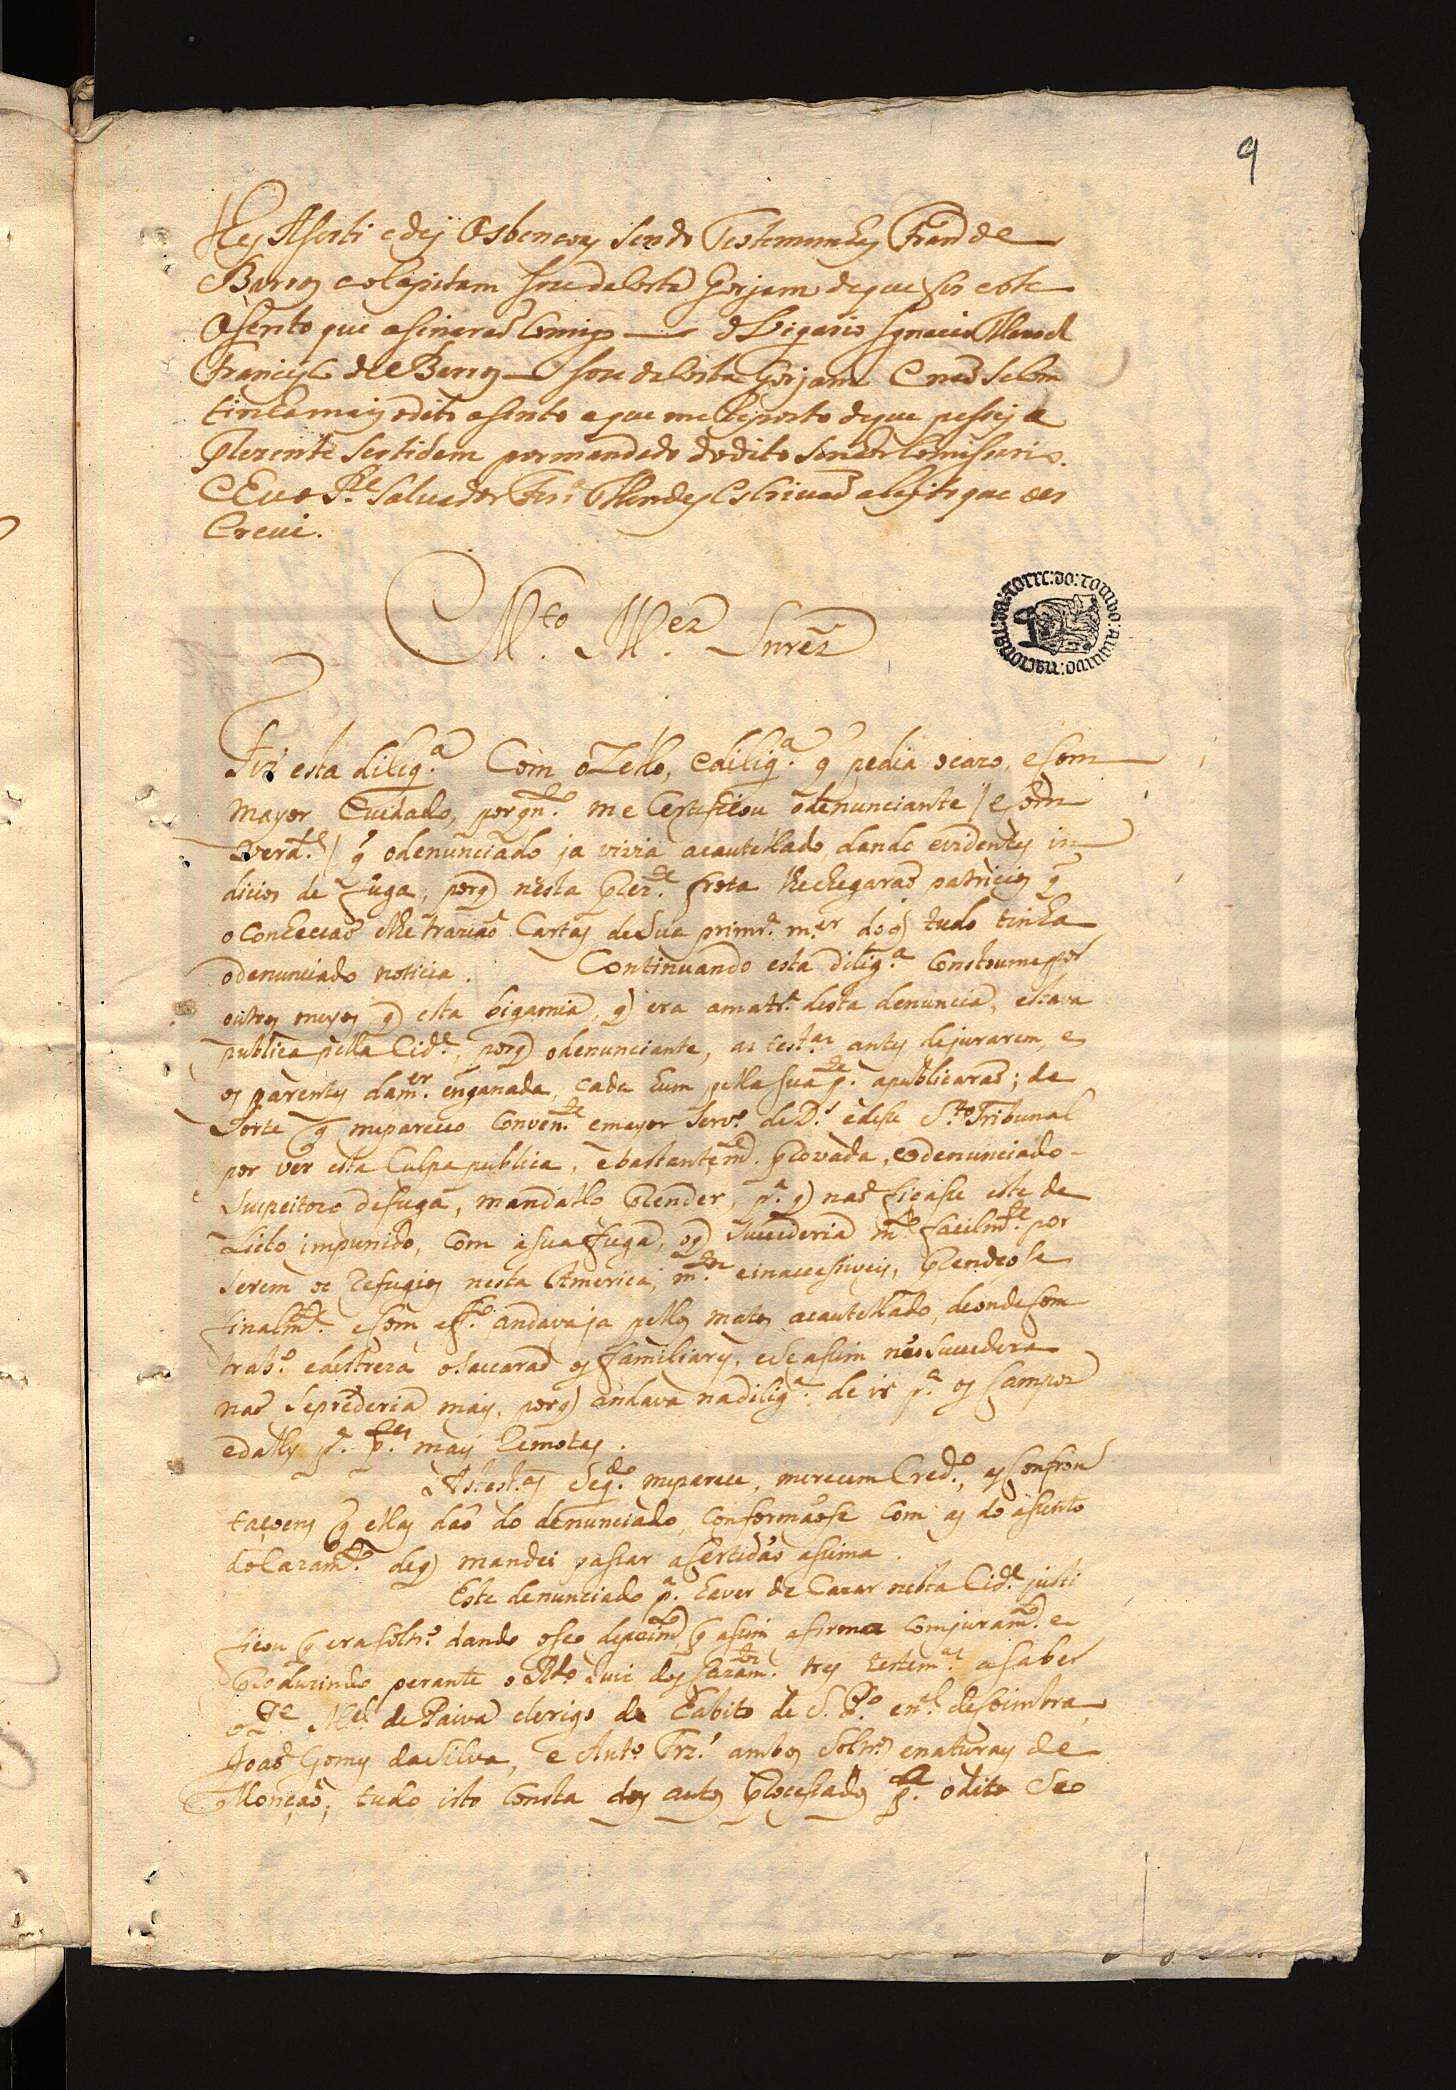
lhes Asesti e dej as bençoas sendo Testemunhas Fran̄ de
Barros e o Capitam Joze da Costa Gorjam de que fis este
asento que asinaraõ Comigo - o Vigario Jgnacio Manoel
Francisco de Barros - Joze da Costa Gorjam E naõ se Com
tinha mais o dito asento a que me Reporto de que passej a
pRezente sertidam por mandado do dito Senhor Comissario.
e Eu o P.e Saluador Ferra Mendes esCriuaõ elejto que o es
Creui.
M.to Ill.ez Snrēs
Fiz esta dilig.a Com o Zello, e dilig.a q̄ pedia o cazo, e Com
mayor Cuidado, porqn.to me Certeficou o denunciante / e Com
verd̄.e / q̄ o denunciado ja vivia acautellado dando evidentes in
dicios de fuga, porq̄ nesta prez.te frota lhe chegaraõ patricios q̄
o conheciaõ e lhe traziaõ Cartas de Sua primr.a m.er do q̄ tudo tinha
Continuando esta dilig.a constoume por
o denunciado noticia.
outros meyos q̄ esta bigamia, q̄ era a matr.a desta denuncia, estava
publica pella Cid.e porq̄ o denunciante, as test.as antes de jurarem, e
os parentes da m.er enganada, cada hum pella sua p.te a publicaraõ; de
sorte q̄ me pareceo conven.te e mayor Serv.o de D.s e desse S.to Tribunal
por ver esta Culpa publica, e bastantem.te provada, e o denunciado
suspeitozo de fuga, mandallo pRender, p.a q̄ naõ ficasse este de
Licto impunido, com a sua fuga, o q̄ succederia m.to facilm.te por
serem os Refugios nesta America; m.tos e inaccessiveis, pRendeose
finalm.te e Com eff.o andava ja pellos matos acautellado, de onde Com
trab.o e destreza o saccaraõ os familiares; e se assim não succedera
naõ se prēderia mais, porq̄ andava na dilig.a de ir p.a os Campos
e dally p.a p.tes mais Remotas.
As test.as Seg.do me parece, merecem Cred.o, as Confron
taçoens q̄ ellas daõ do denunciado, conformaõse com as do assunto
do Cazam.to de q̄ mandei passar a Certidaõ assima
Este denunciado p.a haver de Cazar nesta Cid.e justi
ficou q̄ era soltr.o dando o seo depoimto q̄ assim afirma com juram.to e
pRoduzindo perante o Rdo Iuiz dos Cazam.tos tres testem.as a saber
o P.e Mel de Paiva clerigo do habito de S. P.o e n.al de Coimbra
Joaõ Gomes da Silva, e Ant.o Frz̄. ambos Soltr.os e naturaes de
Monçaõ; tudo isto consta dos autos processados p.a o dito Seo
